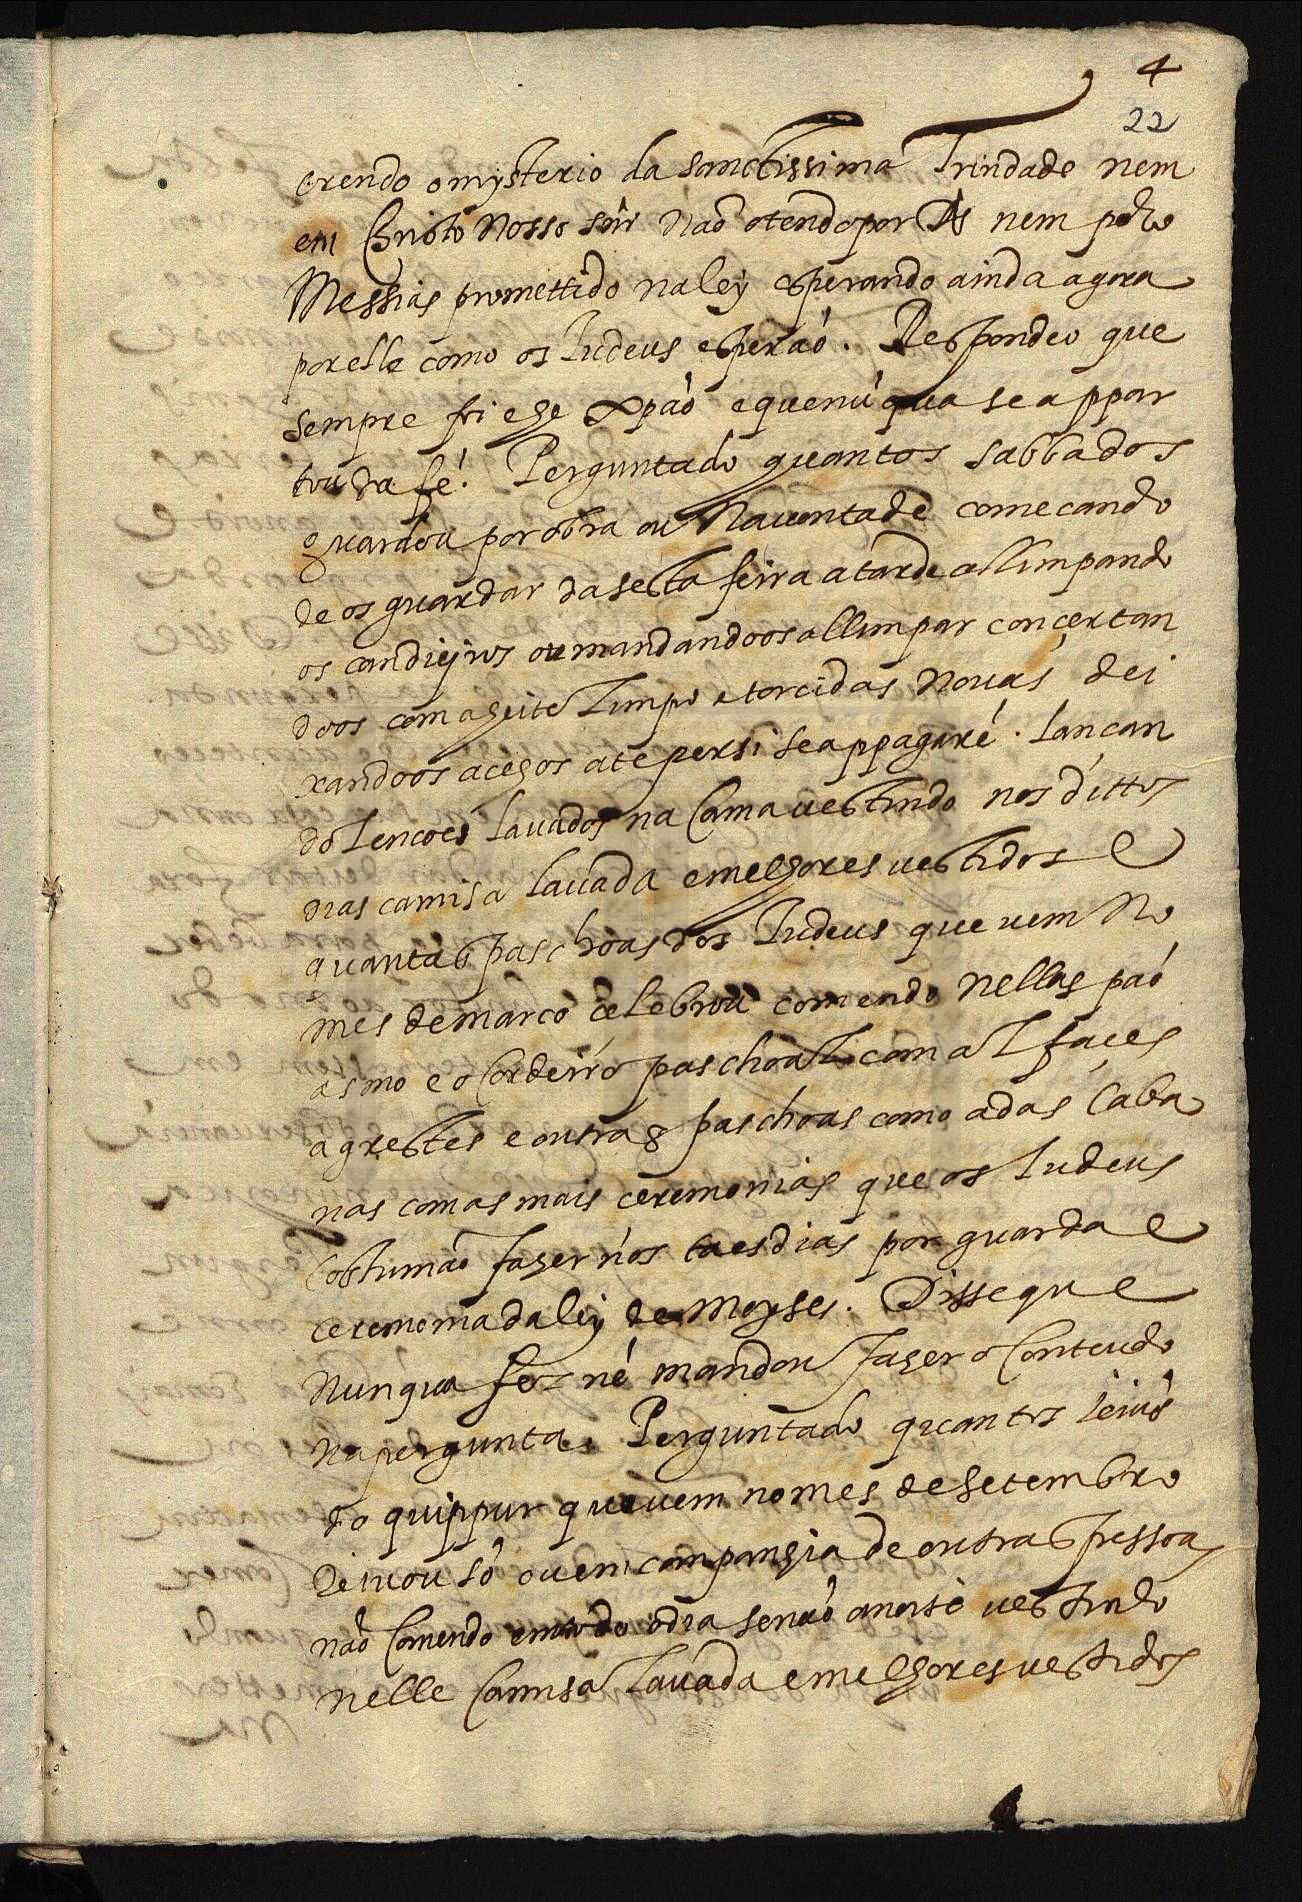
crendo o mysterio da sanctissima Trindade nem
em Christo nosso sn̄r naõ o tendo por Ds̄ nem pelo
Messias promettido na ley esperando ainda agora
por elle como os Judeus esperaõ. Respondeo que
sempre foi e he xpaõ e que nūqua se appar
tou da fé. Perguntado quantos sabbados
guardou por obra ou na vontade comecando
de os guardar da sesta feita a tarde allimpando
os candiejros ou mandandoos allimpar conçertan
doos com azeite limpo a torcidas novas dei
xandoos acezos ate per si se appagarē lançan
do lencoes lavados na Cama vestindo nos dittos
dias camisa lavada e melhores vestidos e
quantas paschoas dos Judeus que vem no
mes de marco çelebrou comendo nellas paõ
asmo e o cordeiro paschoal com alfaçes
agrestes e outras paschoas como a das caba
nas com as mais çeremonias que os Judeus
costumão fazer nos taes dias por guarda e
ceremonia da ley de moyses. Disse que
nunqua fez nē mandou fazer o conteudo
na pergunta. Perguntado quantos ieius̄
do quippur que vem no mes de setembro
ieiuou só ou en companhia de outras pessoas
naõ Comendo em todo o dia senaõ a noite vestindo
nelle Camisa lavada e melhores vestidos
